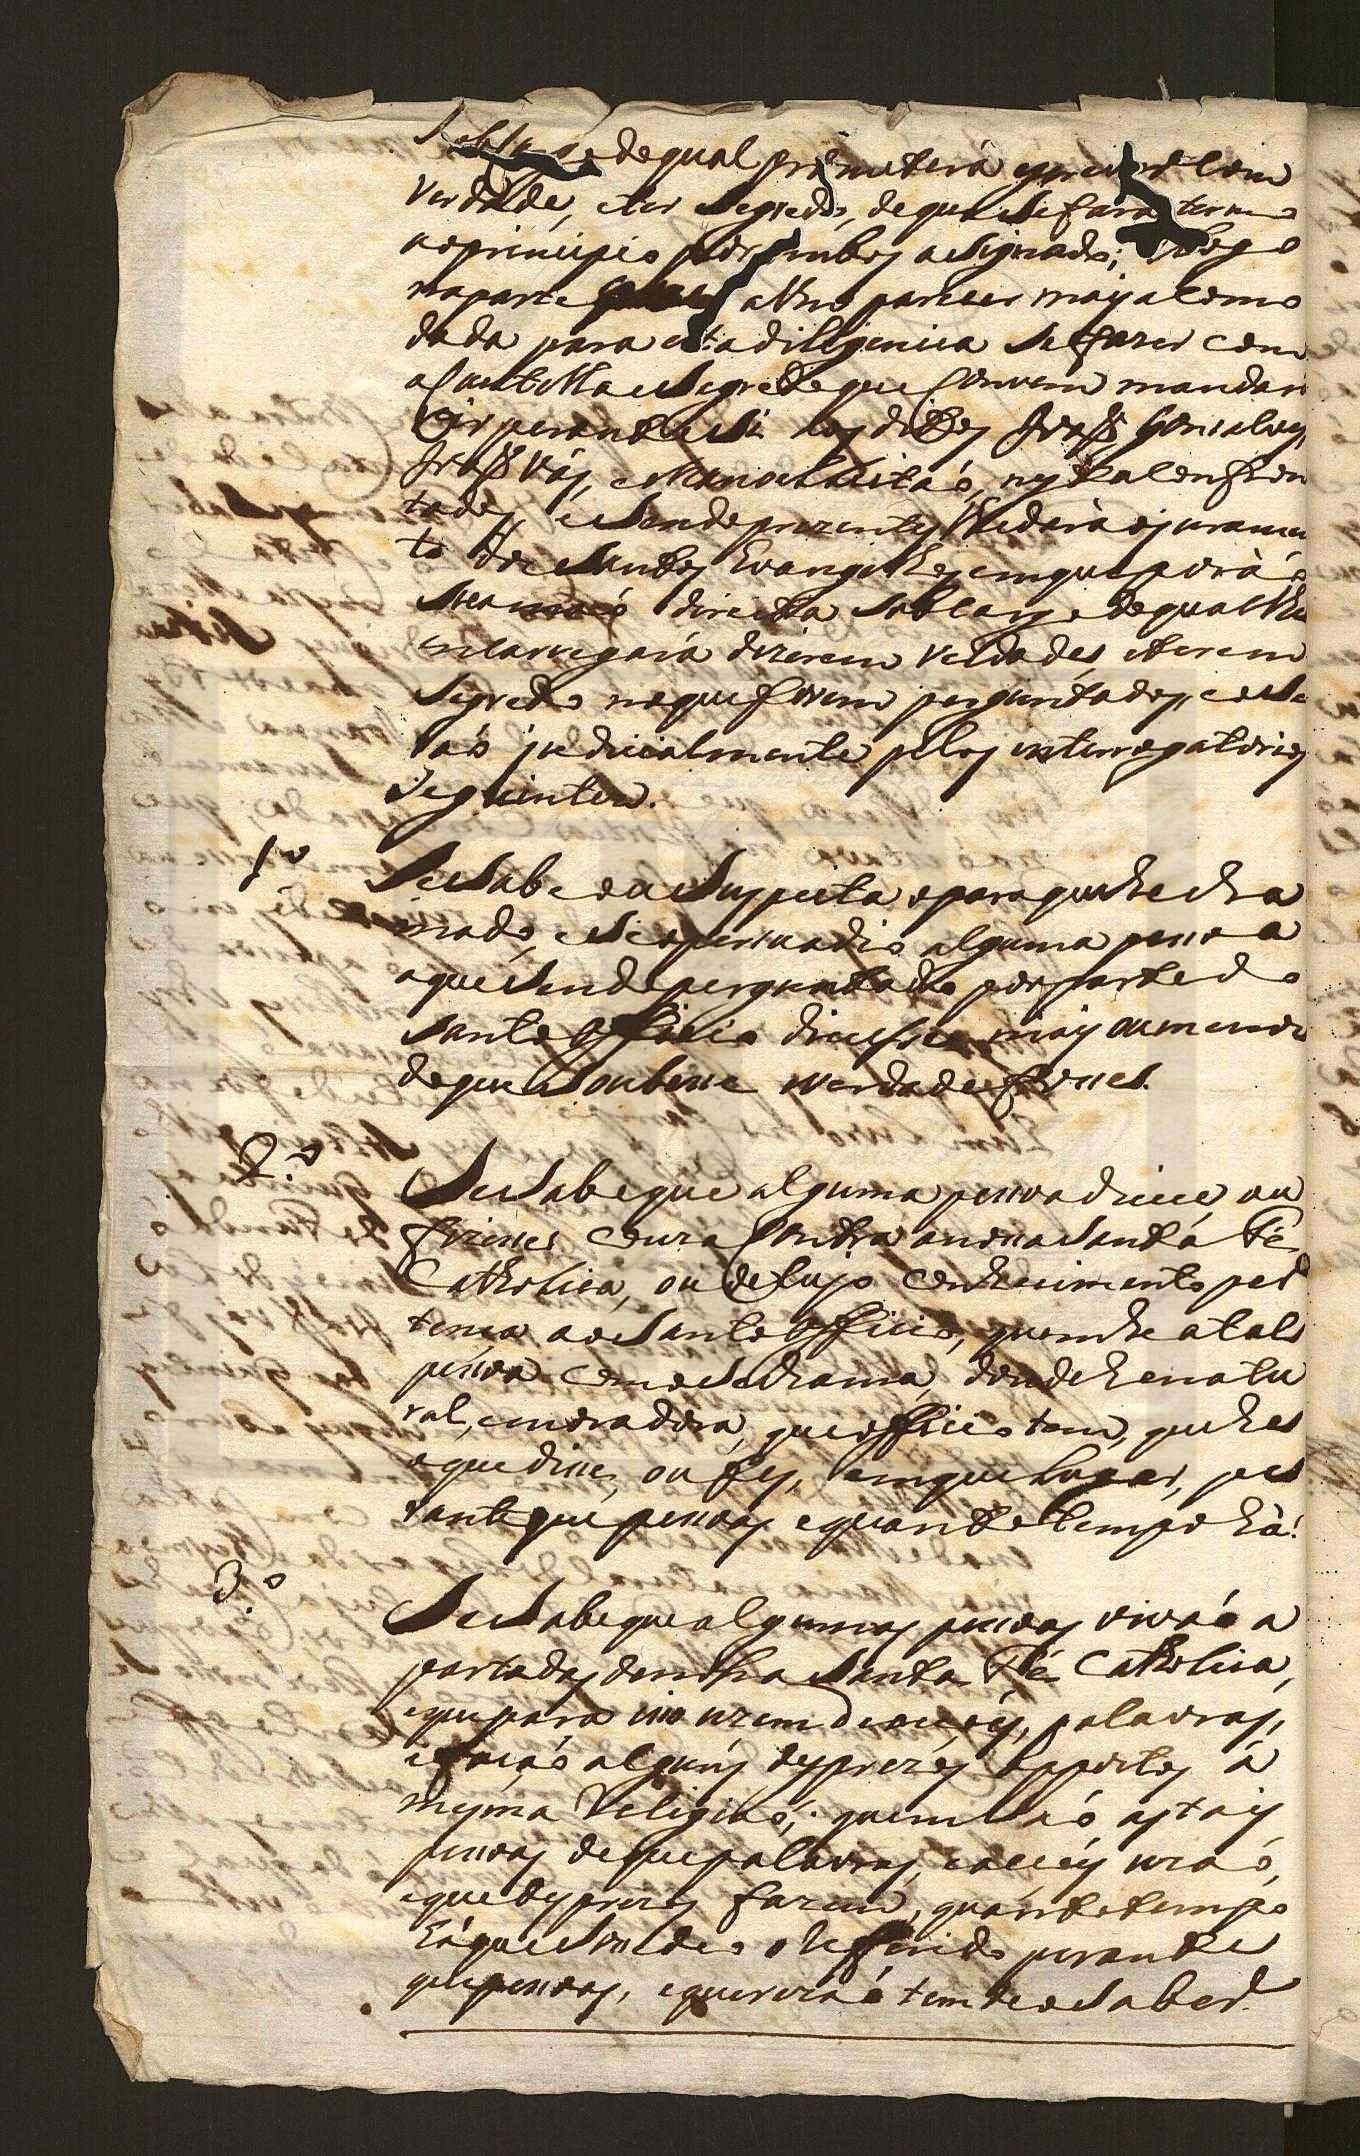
3.o
2.o
sob Ca_go do qual prometerá escrev_r com
verdade, e ter Segredo, de que Se fara termo
ao principio por _mbos asignado; Logo
na parte que a Vm parecer mais acomo
dada para e_ta diligencia se fazer com
a Cautella e Segredo que Convem mandar
vir perante Si aos ditos Joaõ Gonsalves,
Joaõ Vás, e Manoel Leitaõ, nesta Confron
tados, e Sendo prezentes lhe dará o juramen
to dos Santos Evangelhos com que porá a
sua maõ direita sob cargo do qual lhe
encarregará dizerem verdade, e terem
Segredo no que forem perguntados, e o Se
aõ judicialmente pelos interrogatorios
seguintes.
1.o
Se Sabe ou Suspeita o para que he cha
mado, e se o persuadio alguma pessoa
a que sendo perguntado por parte do
santo officio dicesse mais ou menos
do que soubesse e verdade fosse.
Se Sabe que alguma pessoa diceçe, ou
fizesse couza Contra a nossa Santa Fé
Catholica, ou de Cujo conhecimento per
tença ao Santo officio, quem he a tal
pessoa como Se chama, donde he natu
ral, e moradora, que officio tem, que he
o que disse, ou fes, em que Lugar, pe
rante que pessoas e quanto tempo há
Se Sabe que algumas pessoas vivaõ a
partadas de nossa Santa Fé Catholica,
e que para isso uzem de acçoẽs, palavras,
e façaõ alguñs desprezos oppostos á
mesma Religiaõ, quem saõ as tais
pessoas de que palavras, e acçoẽs uzaõ,
e que desprezos fazem, quanto tempo
há que svssede o Refferido perante
que pessoas, e que rezaõ tem de o Saber.
